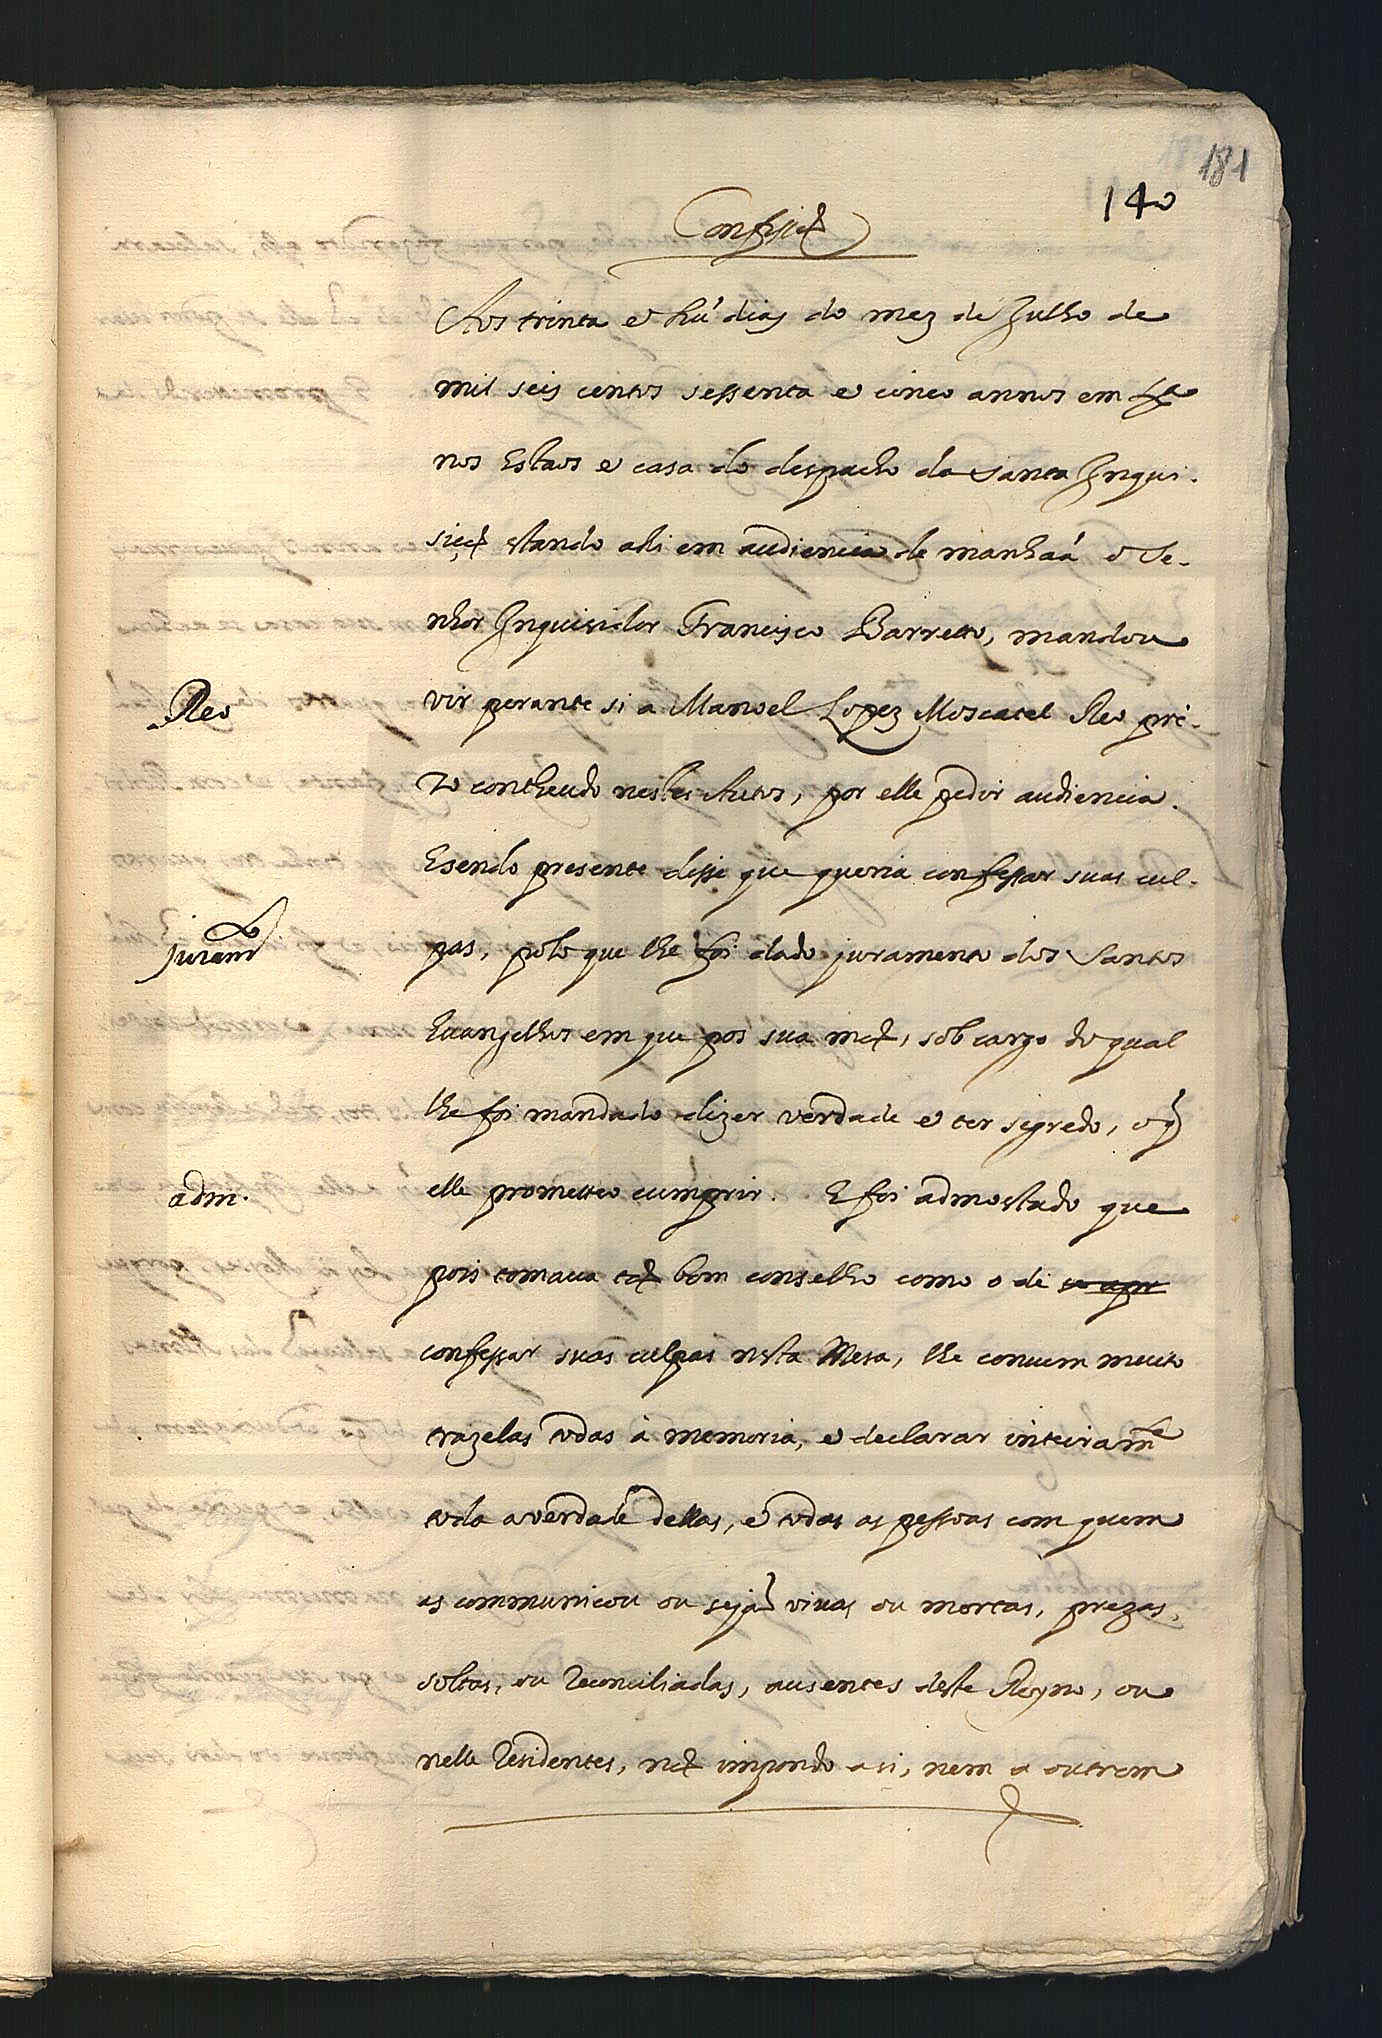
Confissão
Aos trinta e hū dias do mez de Julho de
mil seiscentos sessenta e cinco annos em Lxa
nos Estaos e casa do despacho da Santa Jnqui
siçaõ estando ahi em audiencia de manhaā o Se
nhor Jnquisidor Francisco Barreto, mandou
vir perante si a Manoel Lopez Moscatel Reo pre
Reo
zo contheudo nestes Autos, por elle pedir audiencia.
E sendo presente disse que queria confessar suas cul
juramto
pas, polo que lhe foi dado juramento dos Santos
Euangelhos em que pos sua maõ, sob cargo do qual
lhe foi mandado dizer verdade e ter segredo, o q̄
elle prometteo cumprir E foi admoestado que
adm.
pois tomaua taõ bom conselho como o de se apre
confessar suas culpas nesta Mesa, lhe conuem muito
trazelas todas à memoria, e declarar inteiramte
toda a verdade dellas, e todas as pessoas com quem
as communicou ou sejaõ viuas ou mortas, prezas,
soltas, ou Reconciliadas, ausentes deste Reyno, ou
nelle Residentes, naõ impondo a si, nem a outrem
